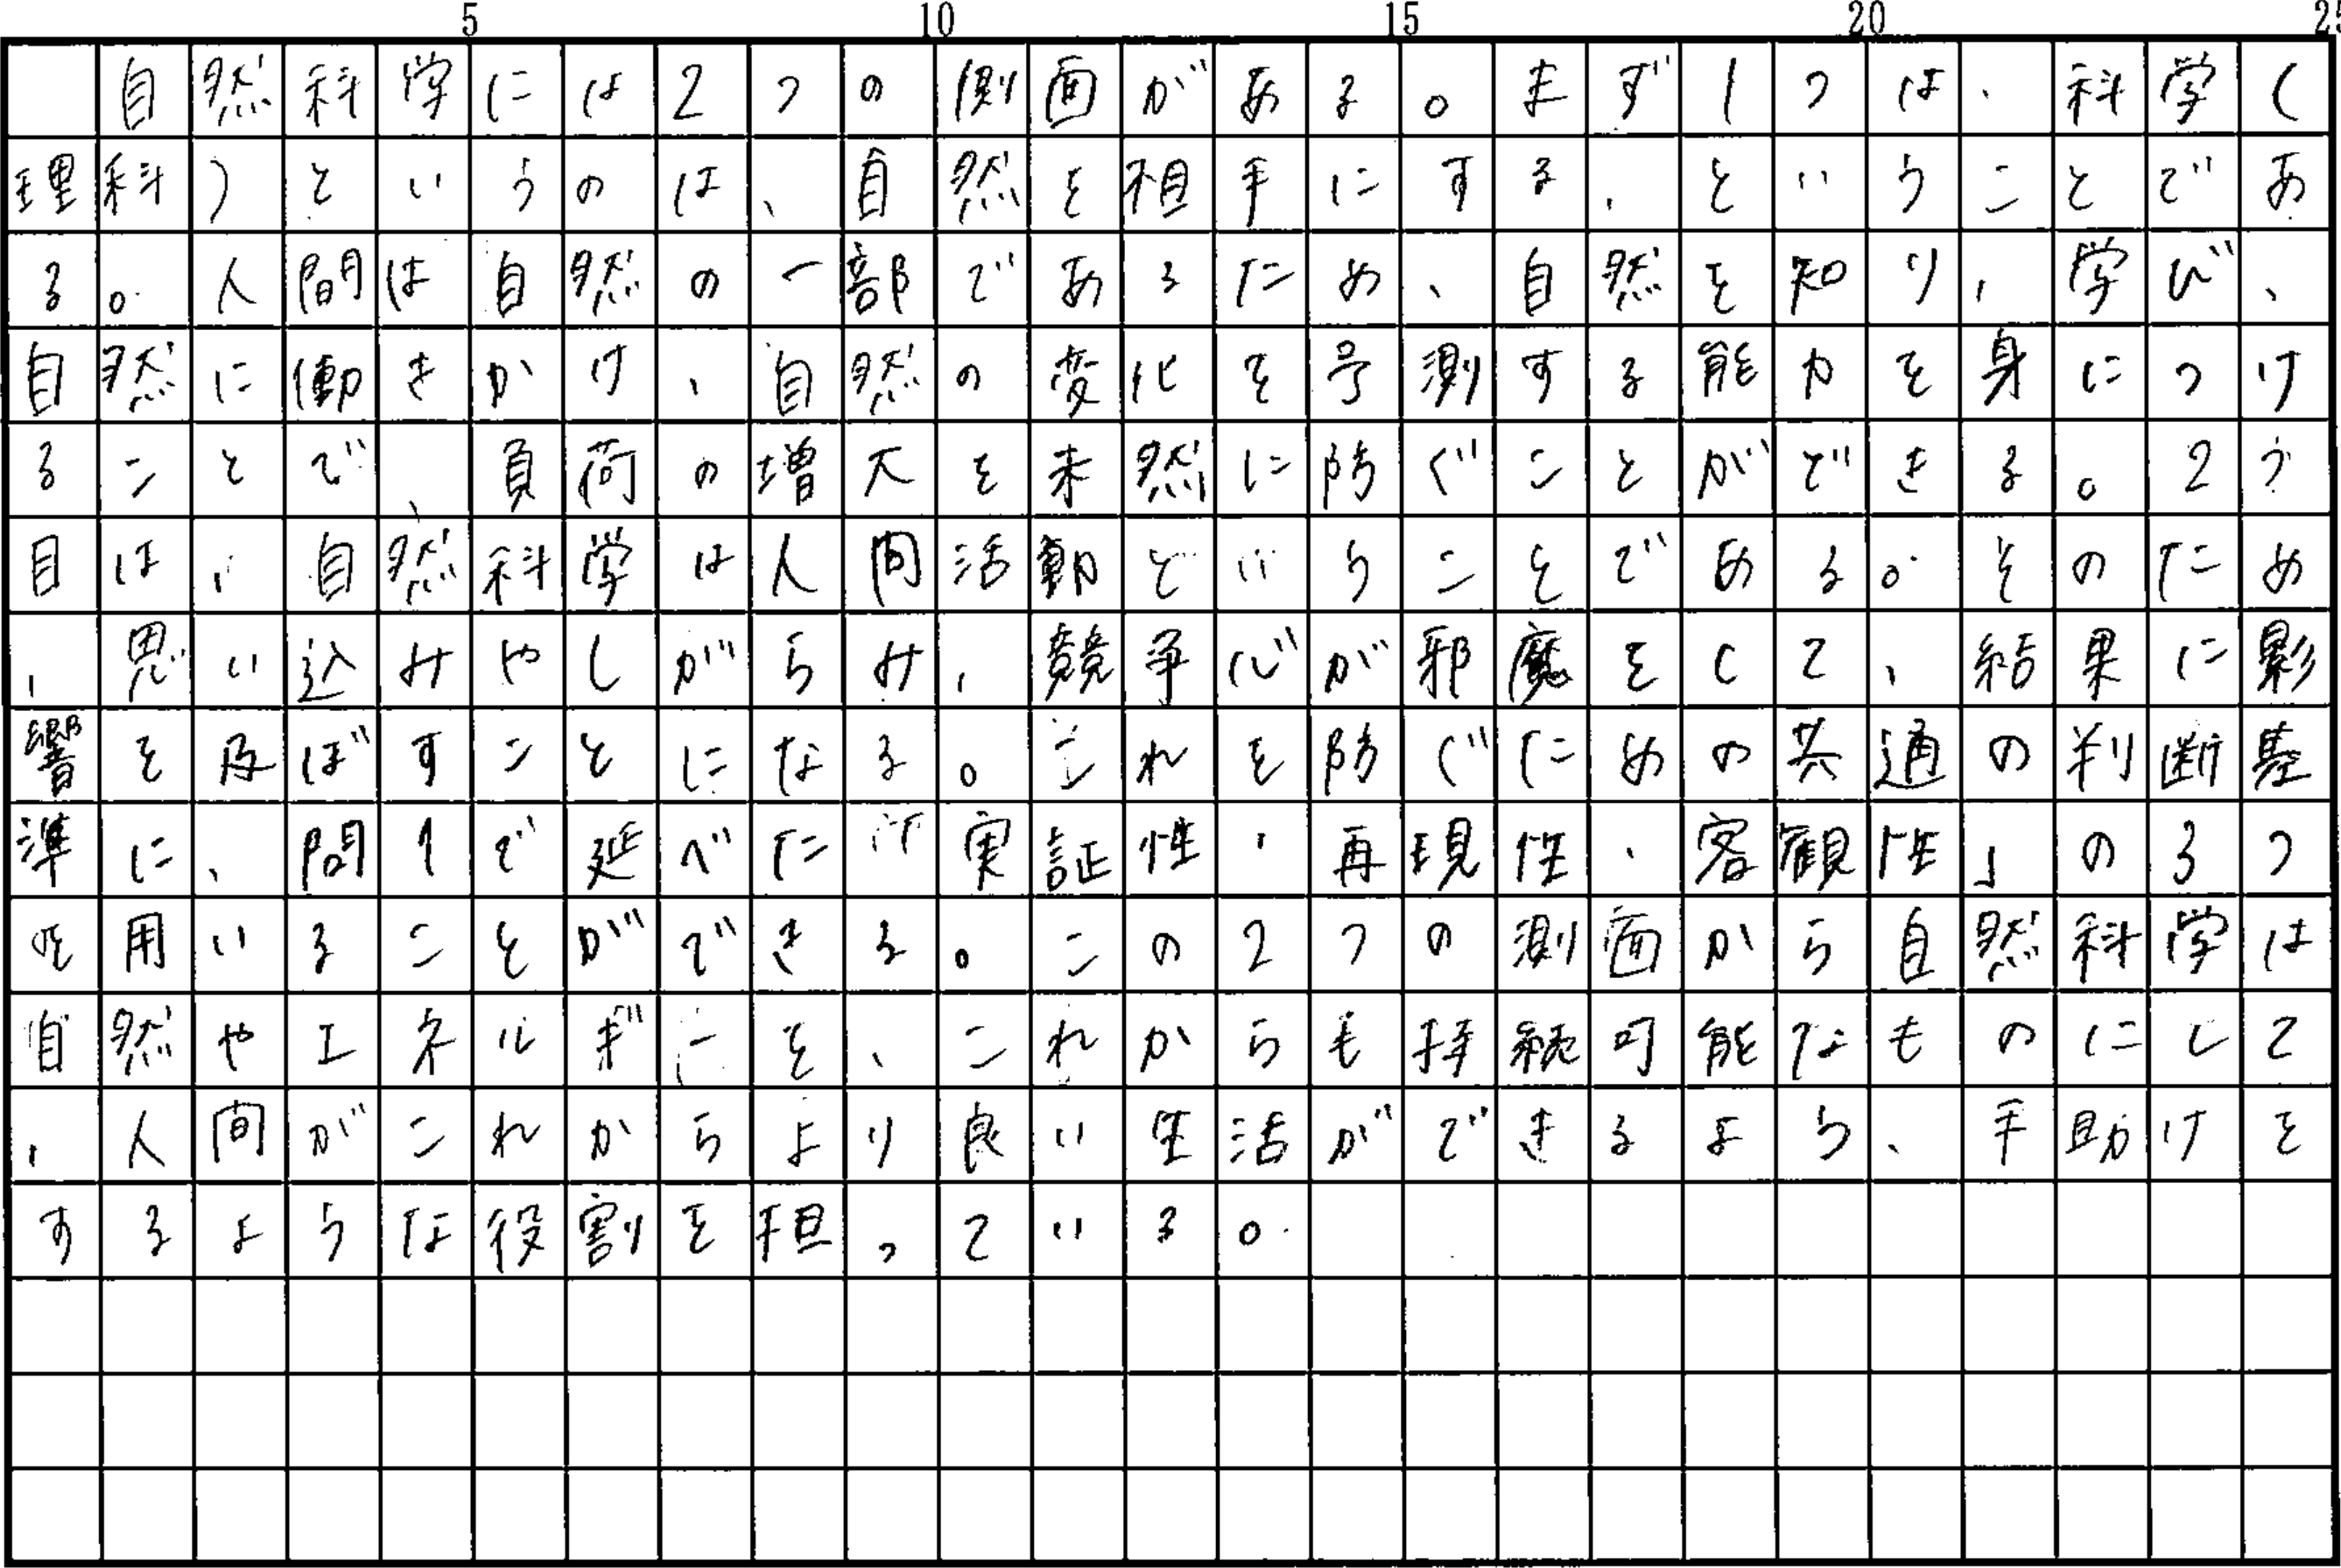　自然科学には２つの側面がある。まず１つは、科学（理科）というのは、自然を相手にする、ということである。人間は自然の一部であるため、自然を知り、学び、自然に働きかけ、自然の変化を予測する能力を身につけることで、負荷の増大を未然に防ぐことができる。２つ目は、自然科学は人間活動ということである。そのため、思い込みやしがらみ、競争心が邪魔をして、結果に影響を及ぼすことになる。これを防ぐための共通の判断基準に、問１で延べた「実証性・再現性・客観性」の３つを用いることができる。この２つの測面から自然科学は自然やエネルギーを、これからも持続可能なものにして、人間がこれからより良い生活ができるよう、手助けをするような役割を担っている。
